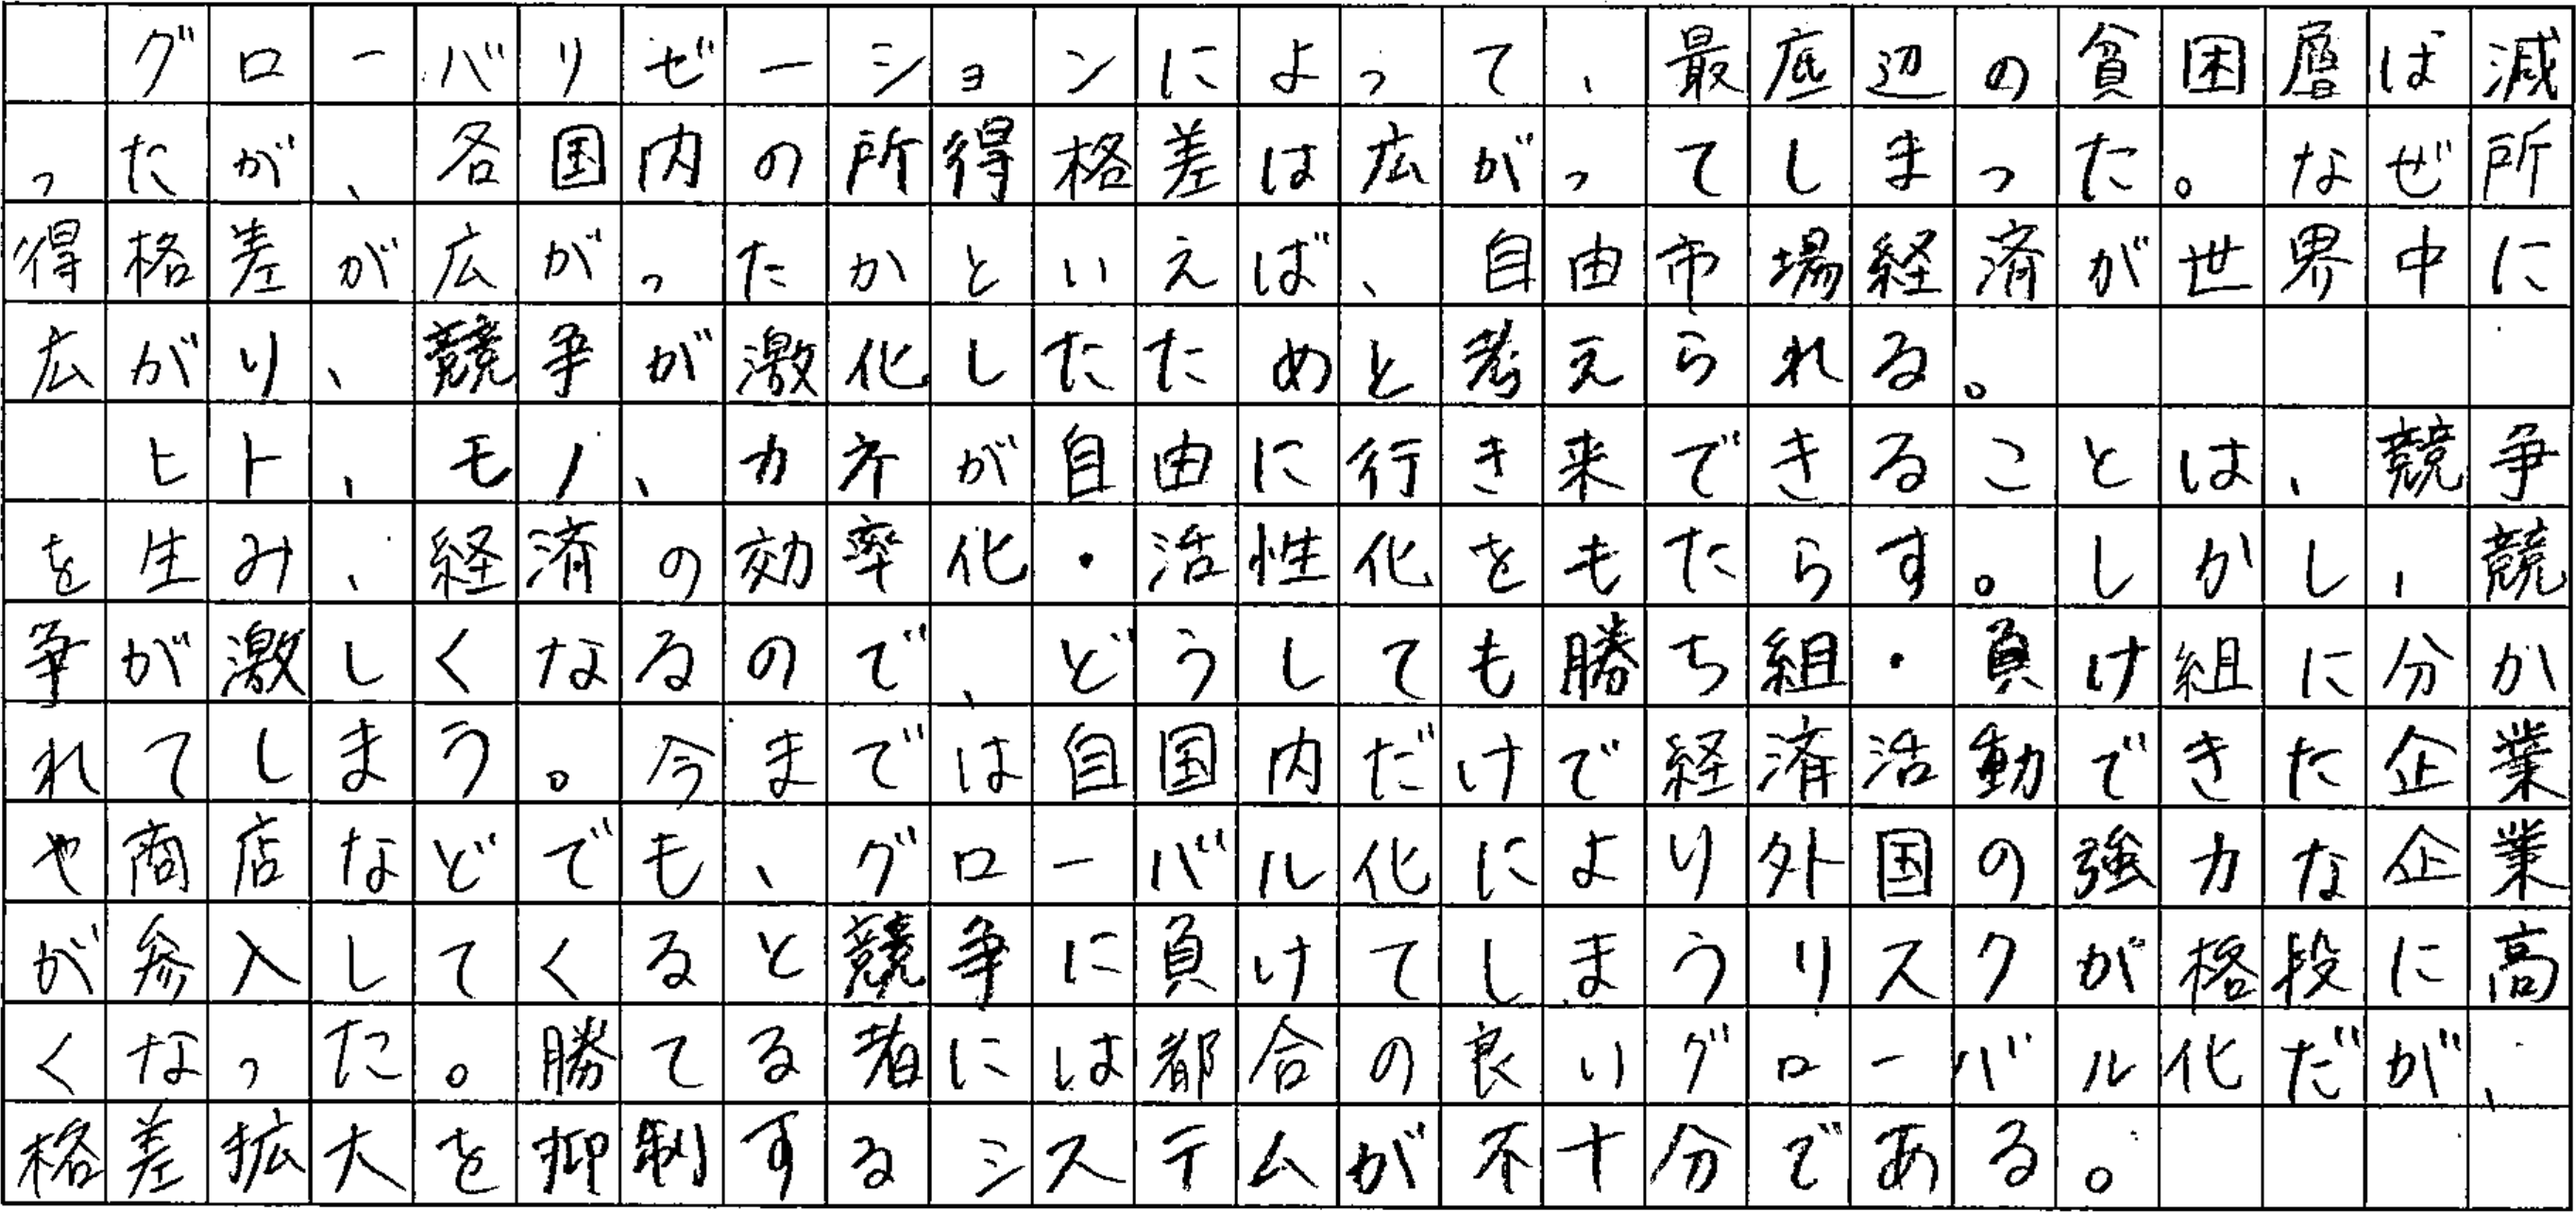　グローバリゼーションによって、最底辺の貧困層は減ったが、各国内の所得格差は広がってしまった。なぜ所得格差が広がったかといえば、自由市場経済が世界中に広がり、競争が激化したためと考えられる。
　ヒト、モノ、カネが自由に行き来できることは、競争を生み、経済の効率化・活性化をもたらす。しかし、競争が激しくなるので、どうしても勝ち組・負け組に分かれてしまう。今までは自国内だけで経済活動できた企業や商店などでも、グローバル化により外国の強力な企業が参入してくると競争に負けてしまうリスクが格段に高くなった。勝てる者には都合の良いグローバル化だが、格差拡大を抑制するシステムが不十分である。
